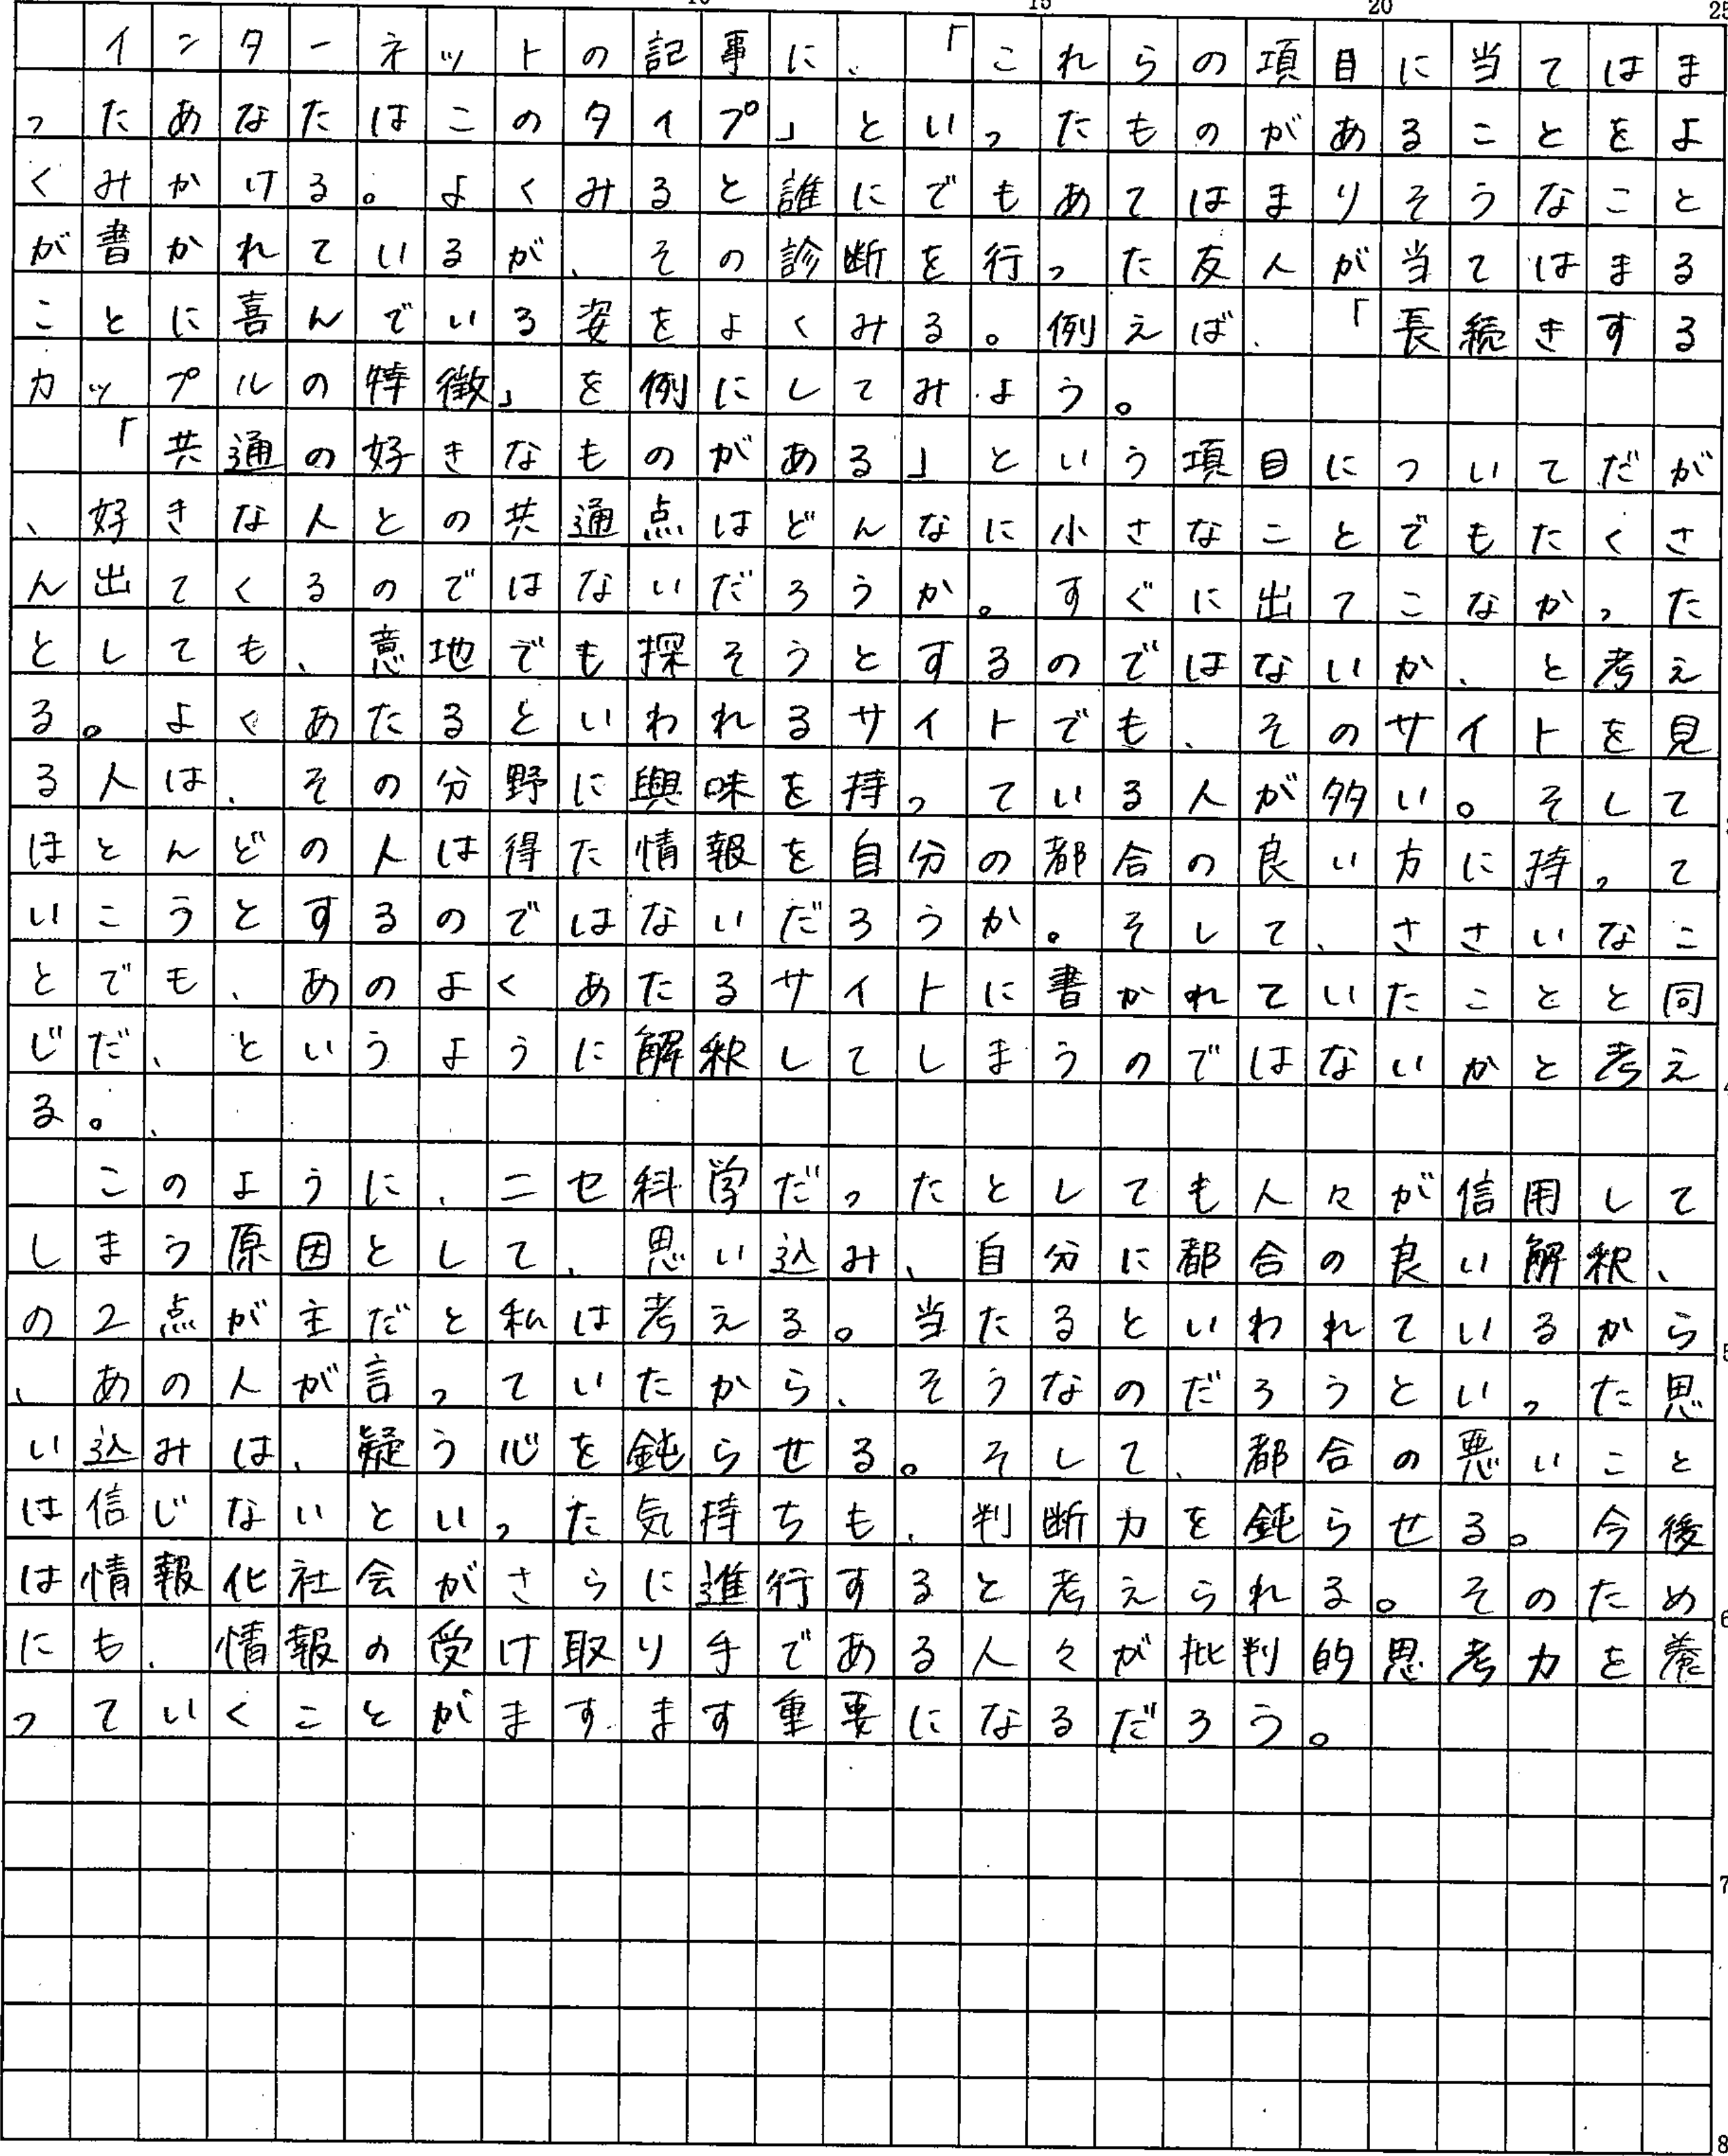　インターネットの記事に、「これらの項目に当てはまったあなたはこのタイプ」といったものがあることをよくみかける。よくみると誰にでもあてはまりそうなことが書かれているが、その診断を行った友人が当てはまることに喜んでいる姿をよくみる。例えば、「長続きするカップルの特徴」を例にしてみよう。
　「共通の好きなものがある」という項目についてだが、好きな人との共通点はどんなに小さなことでもたくさん出てくるのではないだろうか。すぐに出てこなかったとしても、意地でも探そうとするのではないか、と考える。よくあたるといわれるサイトでも、そのサイトを見る人は、その分野に興味を持っている人が多い。そしてほとんどの人は得た情報を自分の都合の良い方に持っていこうとするのではないだろうか。そして、ささいなことでも、あのよくあたるサイトに書かれていたことと同じだ、というように解釈してしまうのではないかと考える。
　このように、ニセ科学だったとしても人々が信用してしまう原因として、思い込み、自分に都合の良い解釈、の２点が主だと私は考える。当たるといわれているから、あの人が言っていたから、そうなのだろうといった思い込みは、疑う心を鈍らせる。そして、都合の悪いことは信じないといった気持ちも、判断力を鈍らせる。今後は情報化社会がさらに進行すると考えられる。そのためにも、情報の受け取り手である人々が批判的思考力を養っていくことがますます重要になるだろう。
